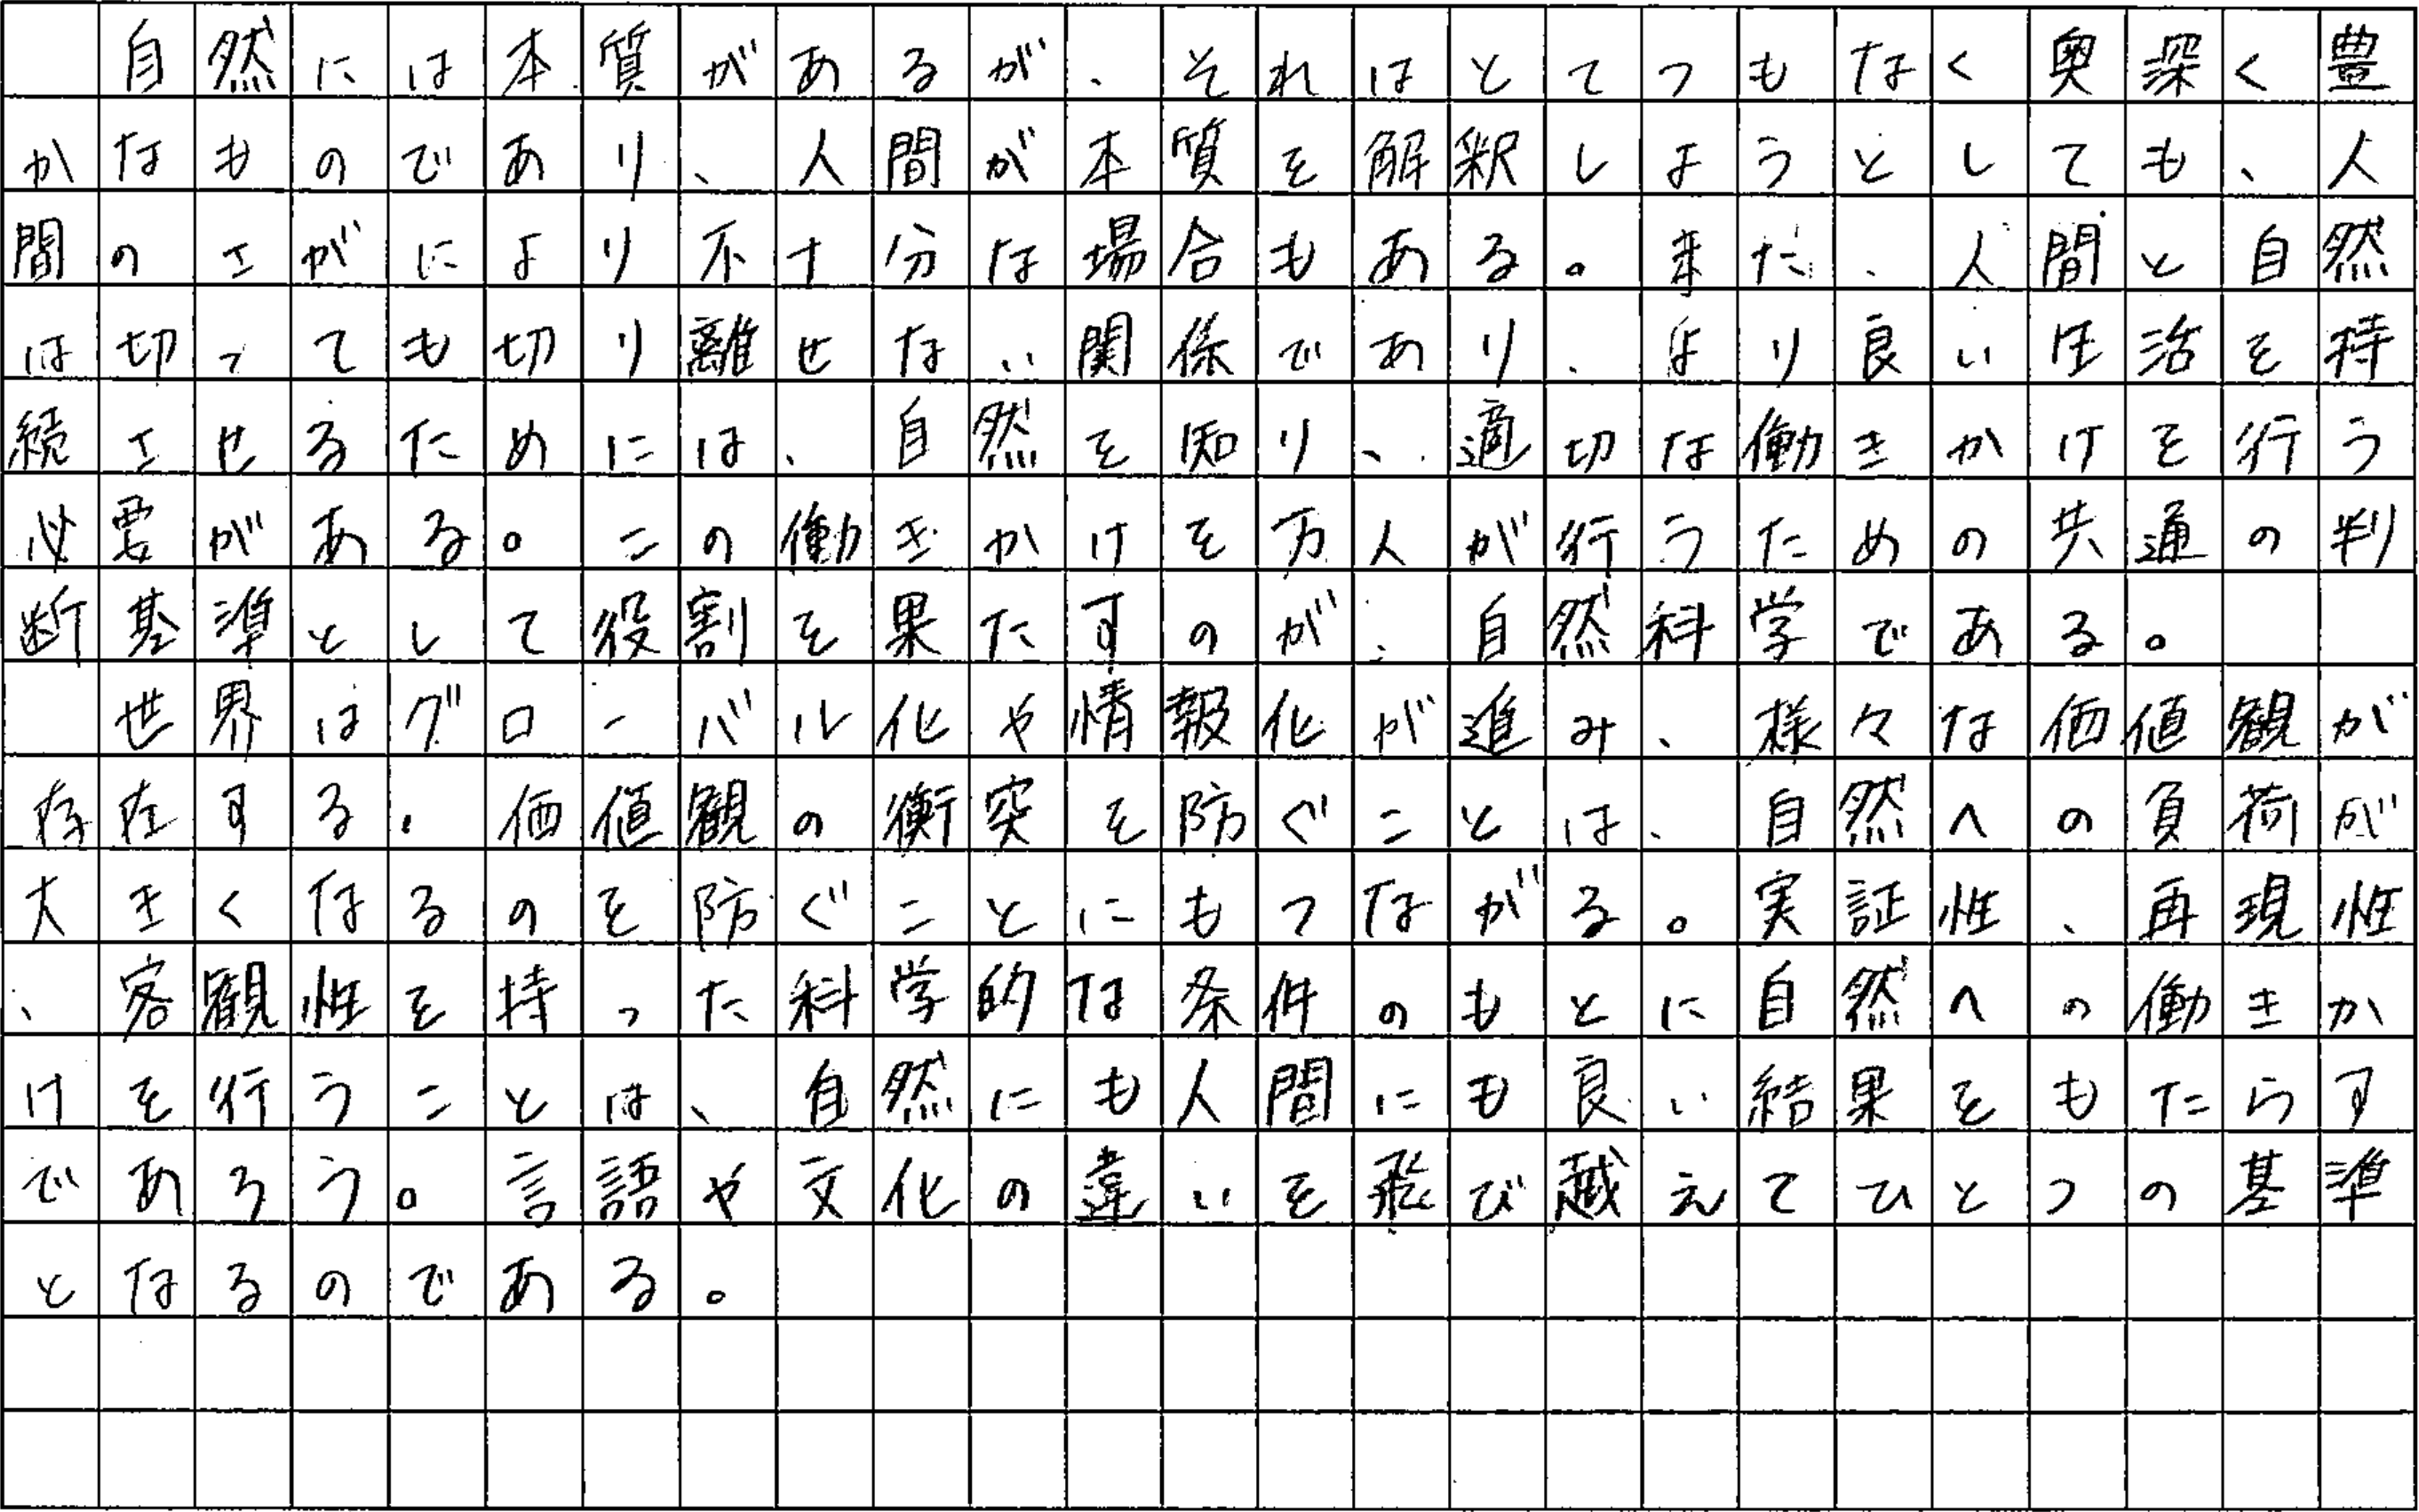　自然には本質があるが、それはとてつもなく奥深く豊かなものであり、人間が本質を解釈しようとしても、人間のさがにより不十分な場合もある。また、人間と自然は切っても切り離せない関係であり、より良い生活を持続させるためには、自然を知り、適切な働きかけを行う必要がある。この働きかけを万人が行うための共通の判断基準として役割を果たすのが、自然科学である。
　世界はグローバル化や情報化が進み、様々な価値観が存在する。価値観の衝突を防ぐことは、自然への負荷が大きくなるのを防ぐことにもつながる。実証性、再現性、客観性を持った科学的な条件のもとに自然への働きかけを行うことは、自然にも人間にも良い結果をもたらすであろう。言語や文化の違いを飛び越えてひとつの基準となるのである。
